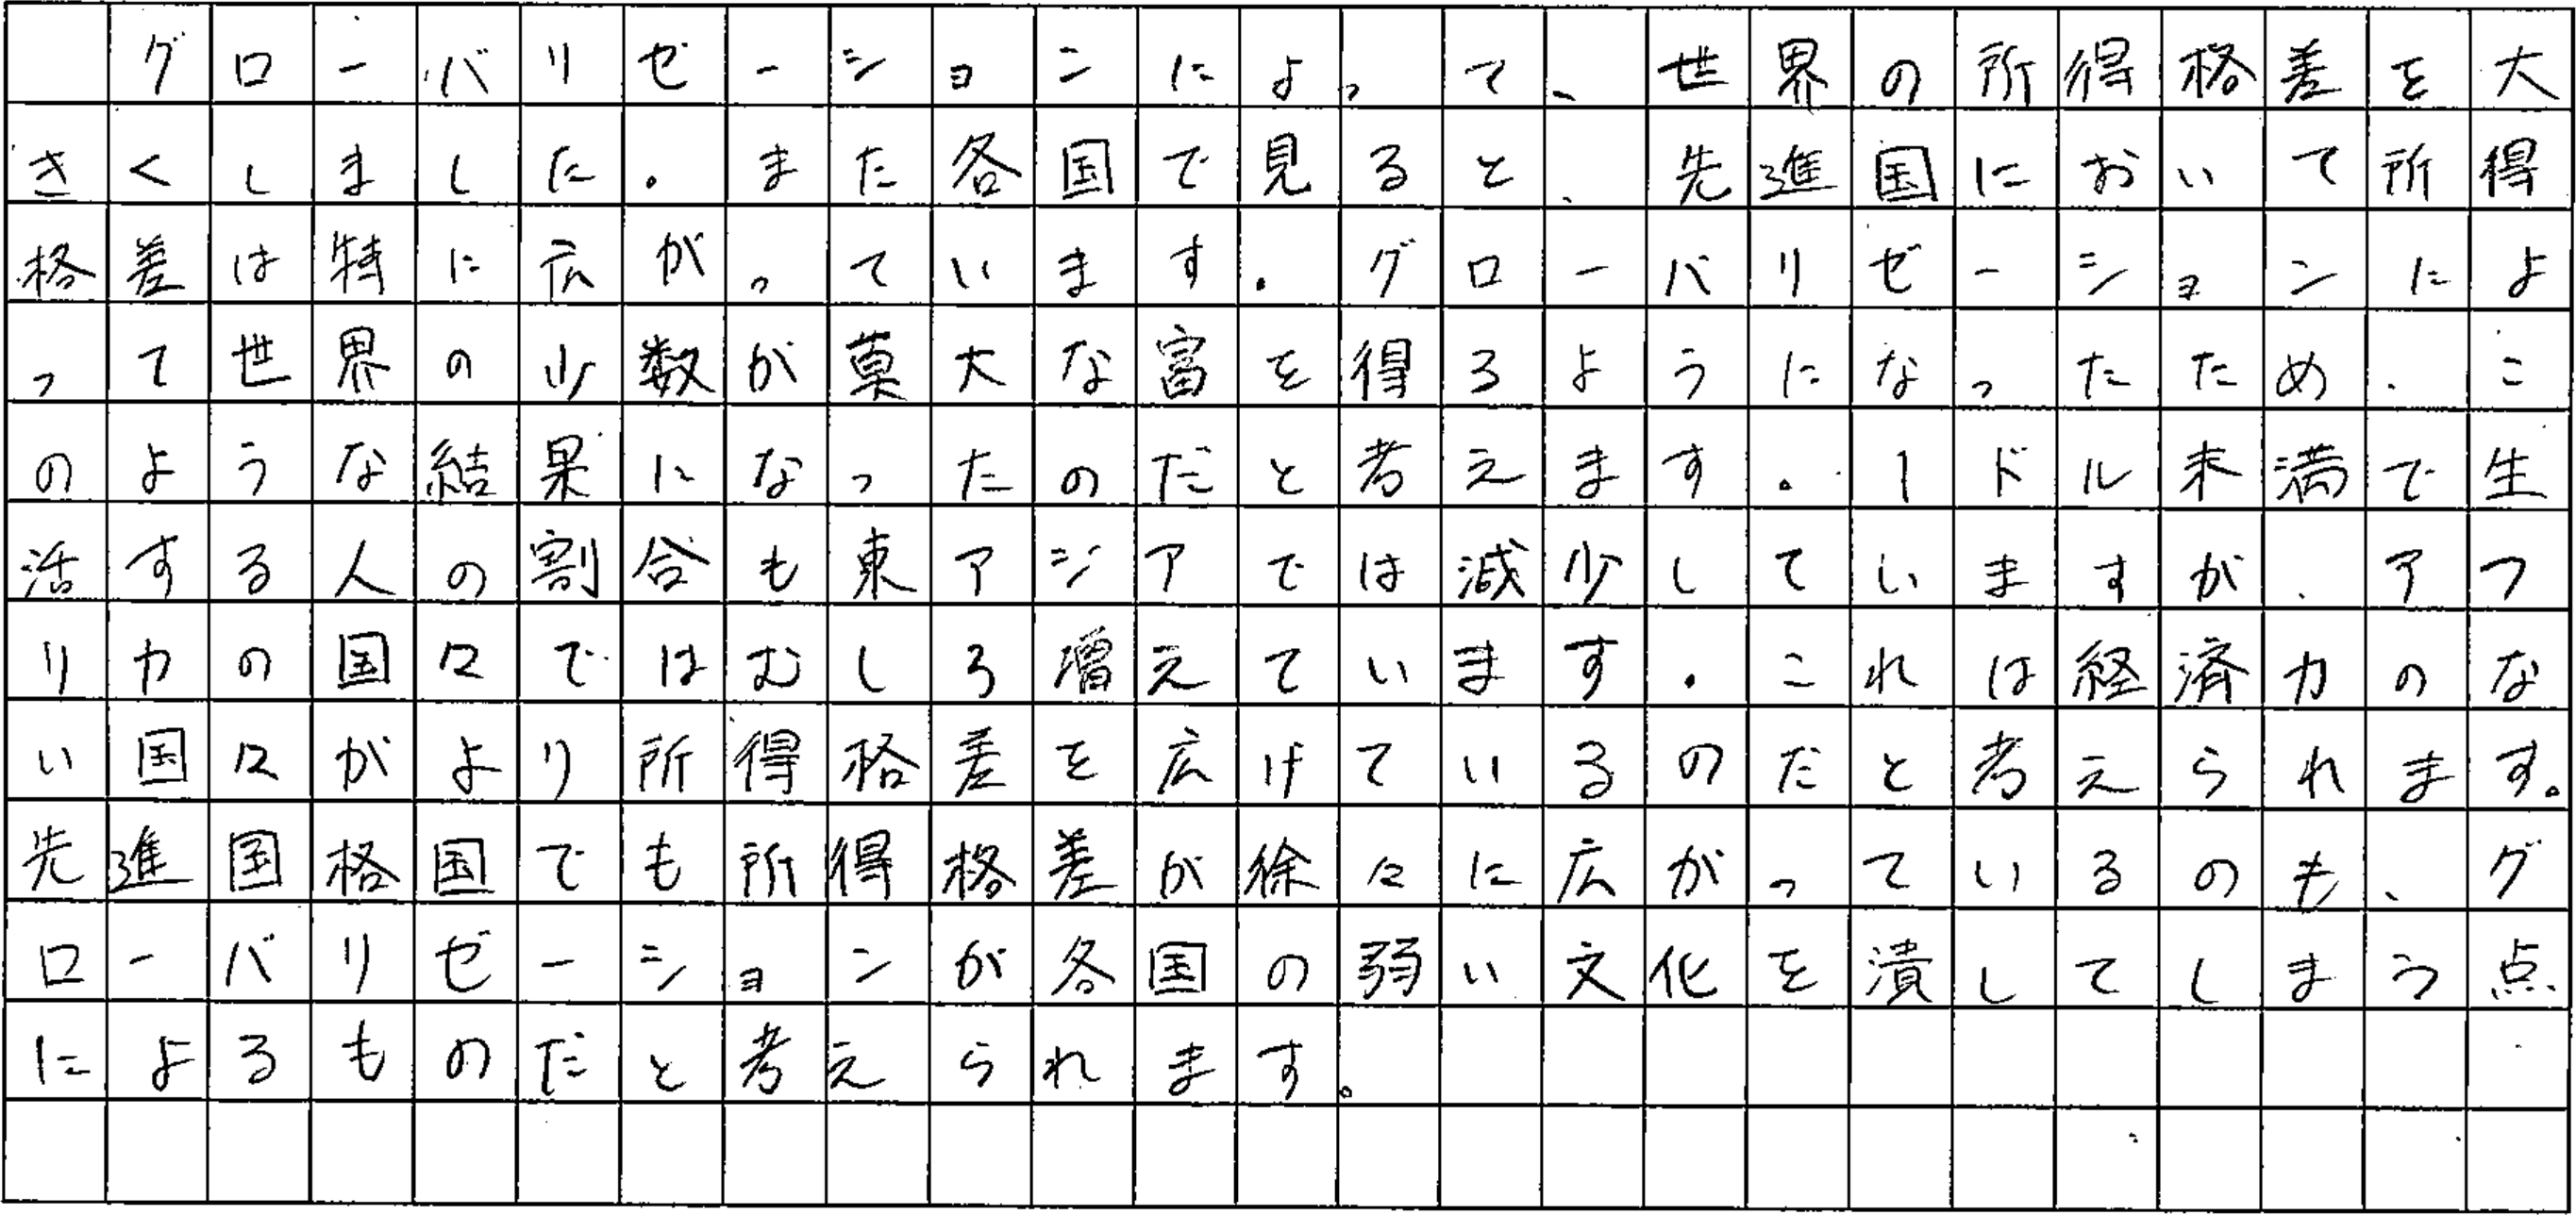　グローバリゼーションによって、世界の所得格差を大きくしました。また各国で見ると、先進国において所得格差は特に広がっています。グローバリゼーションによって世界の少数が莫大な富を得るようになったため、このような結果になったのだと考えます。１ドル未満で生活する人の割合も東アジアでは減少していますが、アフリカの国々ではむしろ増えています。これは経済力のない国々がより所得格差を広げているのだと考えられます。先進国格国でも所得格差が徐々に広がっているのも、グローバリゼーションが各国の弱い文化を潰してしまう点によるものだと考えられます。
